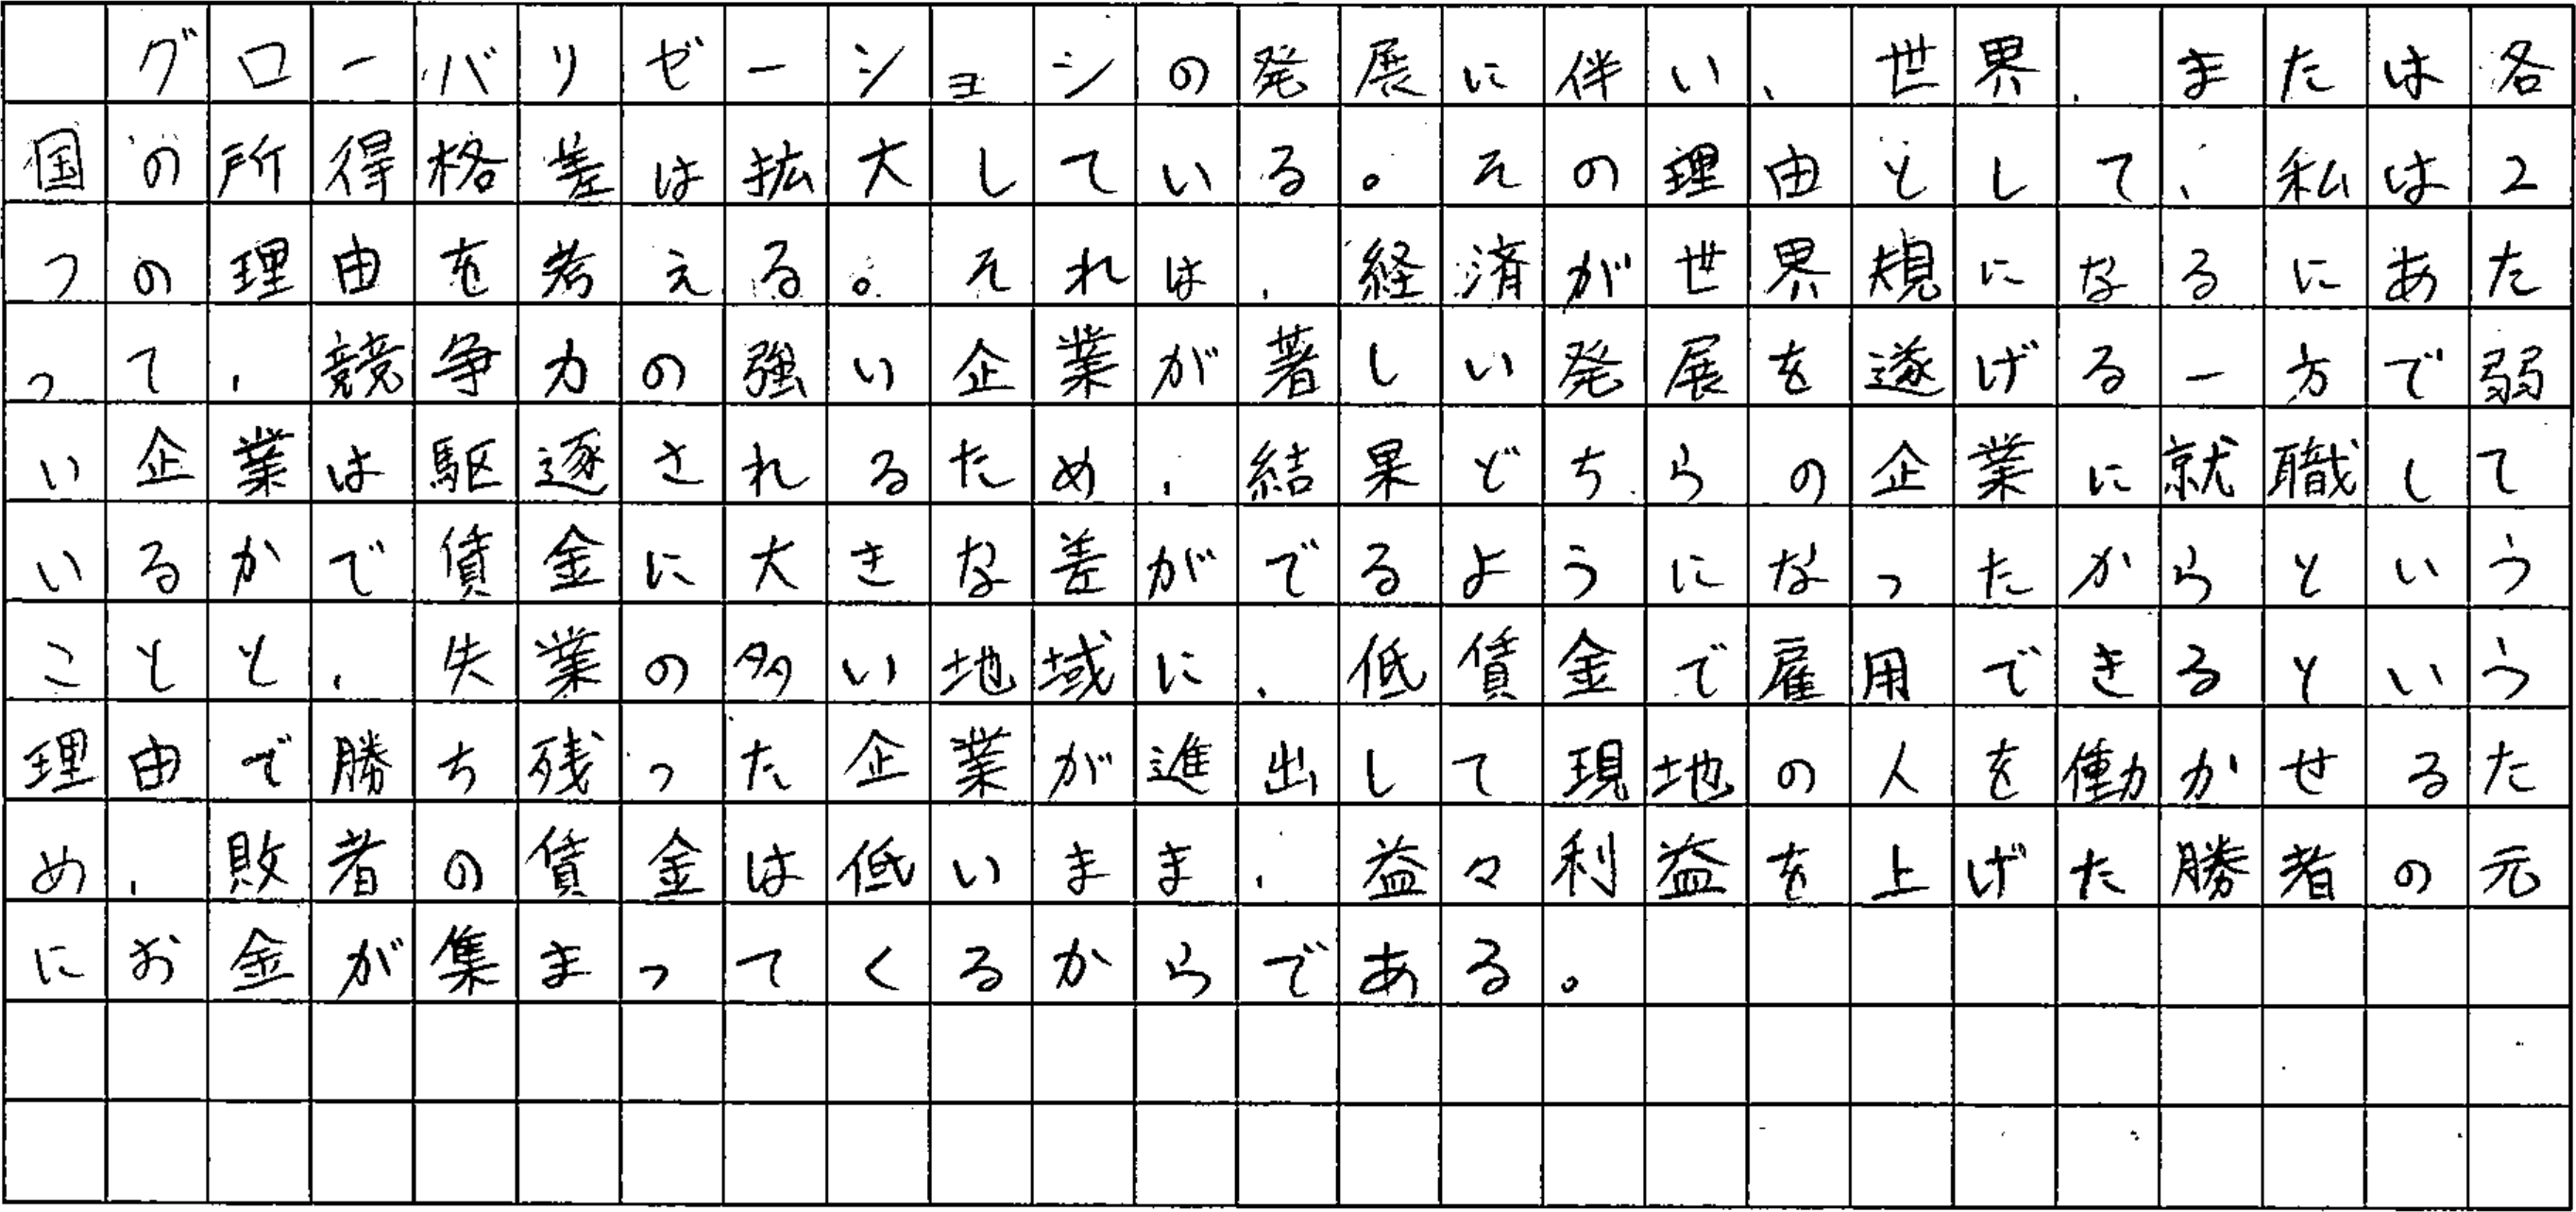　グローバリゼーションの発展に伴い、世界、または各国の所得格差は拡大している。その理由として、私は２つの理由を考える。それは、経済が世界規になるにあたって、競争力の強い企業が著しい発展を遂げる一方で弱い企業は駆逐されるため、結果どちらの企業に就職しているかで賃金に大きな差がでるようになったからということと、失業の多い地域に、低賃金で雇用できるという理由で勝ち残った企業が進出して現地の人を働かせるため、敗者の賃金は低いまま、益々利益を上げた勝者の元にお金が集まってくるからである。
